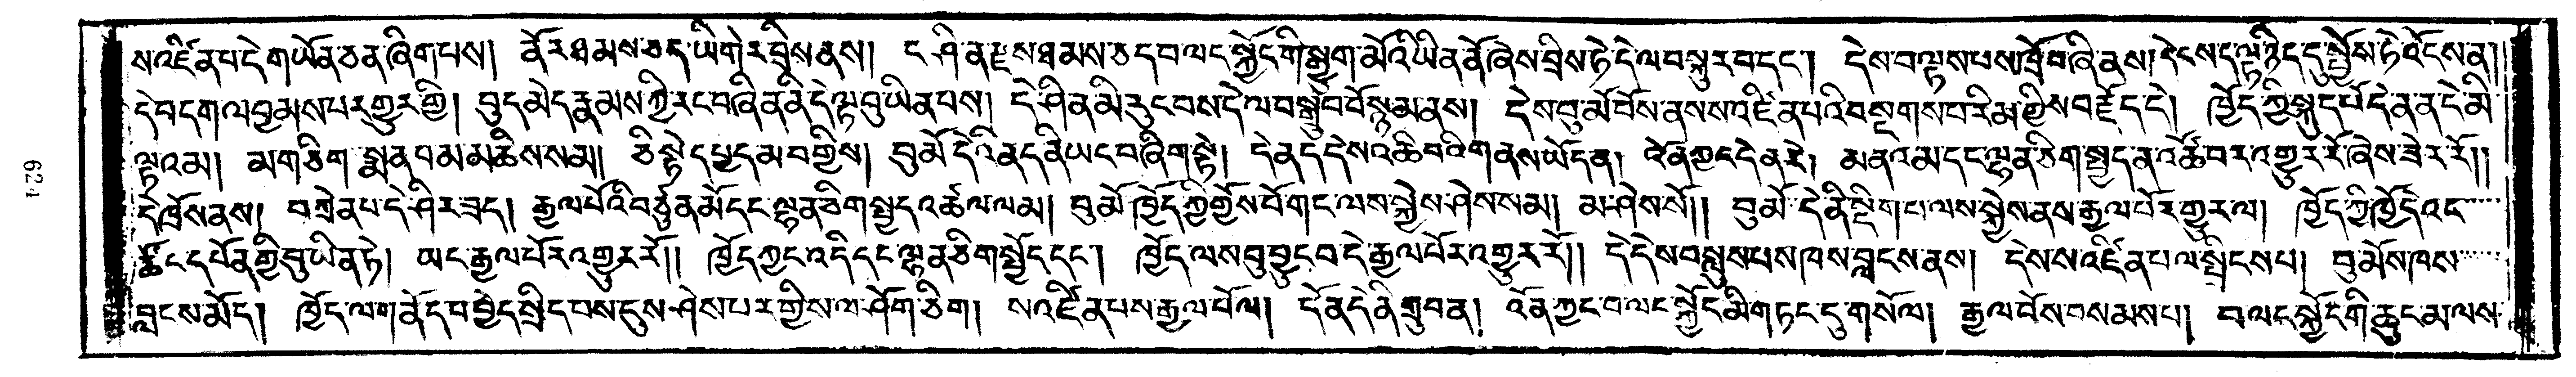ས་འཛིན་པ་དེ་གཡོན་ཅན་ཞིག་པས། ནོར་ཐམས་ཅད་ཡི་གེར་བྲིས་ནས། ད་ཤི་ན་རྫས་ཐམས་ཅད་བ་ལང་སྐྱོང་གི་སྒྱུག་མོའི་ཡིན་ནོ་ཞེས་བྲིས་ཏེ་དེ་ལ་བསྐུར་བ་དང་། དེས་བལྟས་པས་ཁྲོ་བཞི་ནས། དེངས་ད་ལྟ་ཉིད་དུ་སྤྱོས་ཏེ་འོངས་ན།
དེ་བདག་ལ་བྱམས་པར་གྱུར་གྱི། བུད་མེད་རྣམས་ཀྱི་རང་བཞིན་ནི་དེ་ལྟ་བུ་ཡིན་པས། དེ་ཤིན་མི་རུང་བས་དེ་ལ་བསྒྲུབ་བོ་སྙམ་ནས། དེས་བུ་མོ་བོས་ནས་ས་འཛིན་པའི་བསྔགས་པ་རིམ་གྱིས་བརྗོད་དེ། ཁྱོད་ཀྱི་སྐུད་པོ་དེ་ན་ན་དེ་མི་
ལྟའམ། མ་གཅིག་སྨན་པ་མ་མཆིས་སམ། ཅི་སྟེ་དཔྱད་མ་བགྱིས། བུ་མོ་དེའི་ནད་ནི་ཡང་བཞིག་སྟེ། དེ་ནད་དེས་འཆི་བའི་གནས་ཡོད་ན། འོན་ཀྱང་དེ་ན་རེ། མནའ་མ་དང་ལྷན་ཅིག་སྤྱད་ན་འཚོ་བར་འགྱུར་རོ་ཞེས་ཟེར་རོ།།
དེ་ཁྲོས་ནས། བཀྲེན་པ་དེ་ཤིར་ཟད། རྒྱལ་པོའི་བཙུན་མོ་དང་ལྷན་ཅིག་སྤྱད་འཚལ་ལམ། བུ་མོ་ཁྱོད་ཀྱི་གྱོས་པོ་གང་ལས་སྐྱེས་ཤེས་སམ། མ་ཤེས་སོ།། བུ་མོ༑ དེ་ནི་སྡིག་པ་ལས་སྐྱེས་ནས་རྒྱལ་པོར་གྱུར་ལ། ཁྱོད་ཀྱི་ཁྱོད་དེའང་
ཚོང་དཔོན་གྱི་བུ་ཡིན་ཏེ། ཡང་རྒྱལ་པོར་འགྱུར་རོ། །ཁྱོད་ཀྱང་འདི་དང་ལྷན་ཅིག་སྤྱོད་དང་། ཁྱོད་ལས་བུ་བྱུང་བ་དེ་རྒྱལ་པོར་འགྱུར་རོ། །དེ་དེས་བསླུས་པས་ཁས་བླངས་ནས། དེས་ས་འཛིན་པ་ལ་སྤྲིངས་པ། བུ་མོས་ཁས་
བླངས་མོད། ཁྱོད་ལ་གནོད་པ་བྱེད་སྲིད་པས་དུས་ཤེས་པར་གྱིས་ལ་ཤོག་ཅིག། ས་འཛིན་པས་རྒྱལ་པོ་ལ། དོན་དེ་ནི་གྲུབ་ན། འོན་ཀྱང་བ་ལང་སྐྱོང་མི་གཏང་དུ་གསོལ། རྒྱལ་པོས་བསམས་པ། བ་ལང་སྐྱོང་གི་ཆུང་མ་ལས་